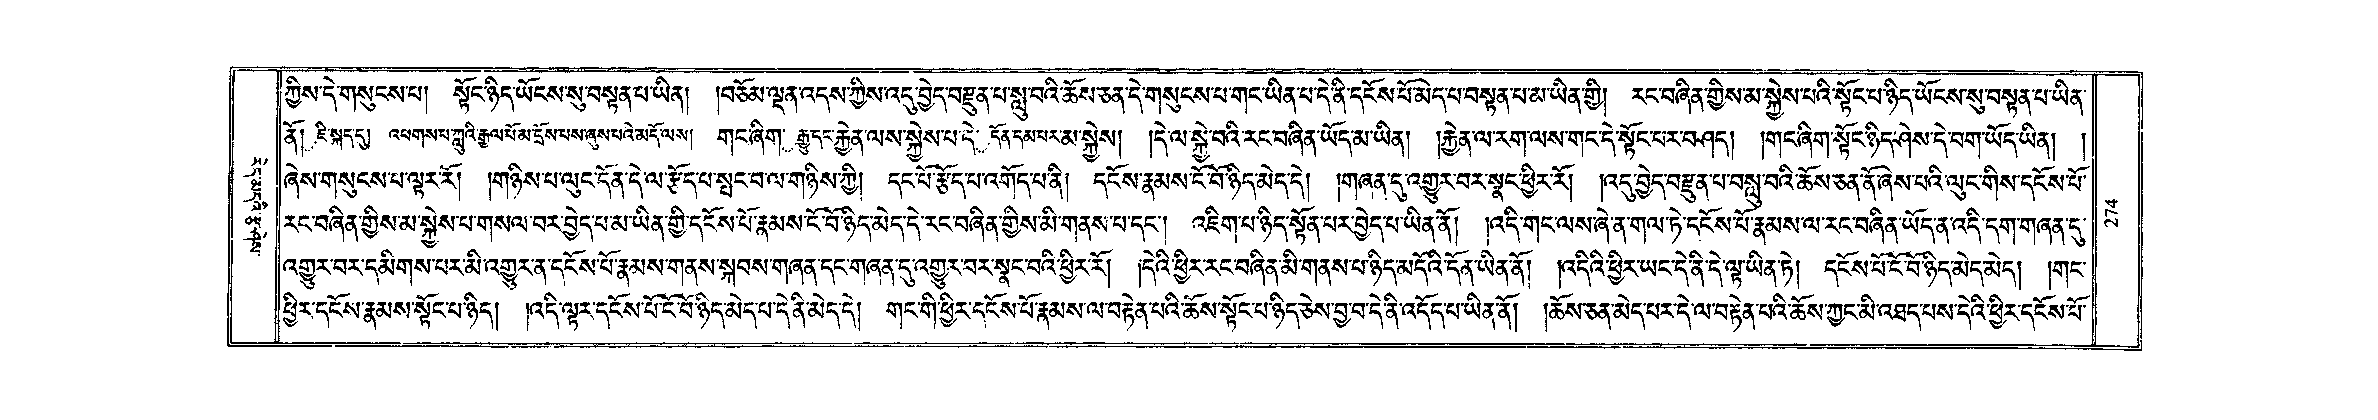ཀྱིས་དེ་གསུངས་པ། སྟོང་ཉིད་ཡོངས་སུ་བསྟན་པ་ཡིན། །བཅོམ་ལྡན་འདས་ཀྱིས་འདུ་བྱེད་བརྫུན་པ་སླུ་བའི་ཆོས་ཅན་དེ་གསུངས་པ་གང་ཡིན་པ་དེ་ནི་དངོས་པོ་མེད་པ་བསྟན་པ་མ་ཡིན་གྱི། རང་བཞིན་གྱིས་མ་སྐྱེས་པའི་སྟོང་པ་ཉིད་ཡོངས་སུ་བསྟན་པ་ཡིན་
ནོ། ཇི་སྐད་དུ། འཕགས་པ་ཀླུའི་རྒྱལ་པོ་མ་དྲོས་པས་ཞུས་པའི་མདོ་ལས།  གང་ཞིག་རྒྱུ་དང་རྐྱེན་ལས་སྐྱེས་པ་དེ་དོན་དམ་པར་མ་སྐྱེས། །དེ་ལ་སྐྱེ་བའི་རང་བཞིན་ཡོད་མ་ཡིན། །རྐྱེན་ལ་རག་ལས་གང་དེ་སྟོང་པར་བཤད། །གང་ཞིག་སྟོང་ཉིད་ཤེས་དེ་བག་ཡོད་ཡིན། །
ཞེས་གསུངས་པ་ལྟར་རོ། །གཉིས་པ་ལུང་དོན་དེ་ལ་རྩོད་པ་སྤང་བ་ལ་གཉིས་ཀྱི། དང་པོ་རྩོད་པ་འགོད་པ་ནི། དངོས་རྣམས་ངོ་བོ་ཉིད་མེད་དེ། །གཞན་དུ་འགྱུར་བར་སྣང་ཕྱིར་རོ། །འདུ་བྱེད་བརྫུན་པ་བསླུ་བའི་ཆོས་ཅན་ནོ་ཞེས་པའི་ལུང་གིས་དངོས་པོ་
རང་བཞིན་གྱིས་མ་སྐྱེས་པ་གསལ་བར་བྱེད་པ་མ་ཡིན་གྱི་དངོས་པོ་རྣམས་ངོ་བོ་ཉིད་མེད་དེ་རང་བཞིན་གྱིས་མི་གནས་པ་དང་། འཇིག་པ་ཉིད་སྟོན་པར་བྱེད་པ་ཡིན་ནོ། །འདི་གང་ལས་ཞེ་ན་གལ་ཏེ་དངོས་པོ་རྣམས་ལ་རང་བཞིན་ཡོད་ན་འདི་དག་གཞན་དུ་
འགྱུར་བར་དམིགས་པར་མི་འགྱུར་ན་དངོས་པོ་རྣམས་གནས་སྐབས་གཞན་དང་གཞན་དུ་འགྱུར་བར་སྣང་བའི་ཕྱིར་རོ། །དེའི་ཕྱིར་རང་བཞིན་མི་གནས་པ་ཉིད་མདོའི་དོན་ཡིན་ནོ། །འདིའི་ཕྱིར་ཡང་དེ་ནི་དེ་ལྟ་ཡིན་ཏེ། དངོས་པོ་ངོ་བོ་ཉིད་མེད་མེད། །གང་
ཕྱིར་དངོས་རྣམས་སྟོང་པ་ཉིད། །འདི་ལྟར་དངོས་པོ་ངོ་བོ་ཉིད་མེད་པ་དེ་ནི་མེད་དེ། གང་གི་ཕྱིར་དངོས་པོ་རྣམས་ལ་བརྟེན་པའི་ཆོས་སྟོང་པ་ཉིད་ཅེས་བྱ་བ་དེ་ནི་འདོད་པ་ཡིན་ནོ། །ཆོས་ཅན་མེད་པར་དེ་ལ་བརྟེན་པའི་ཆོས་ཀྱང་མི་འཐད་པས་དེའི་ཕྱིར་དངོས་པོ་